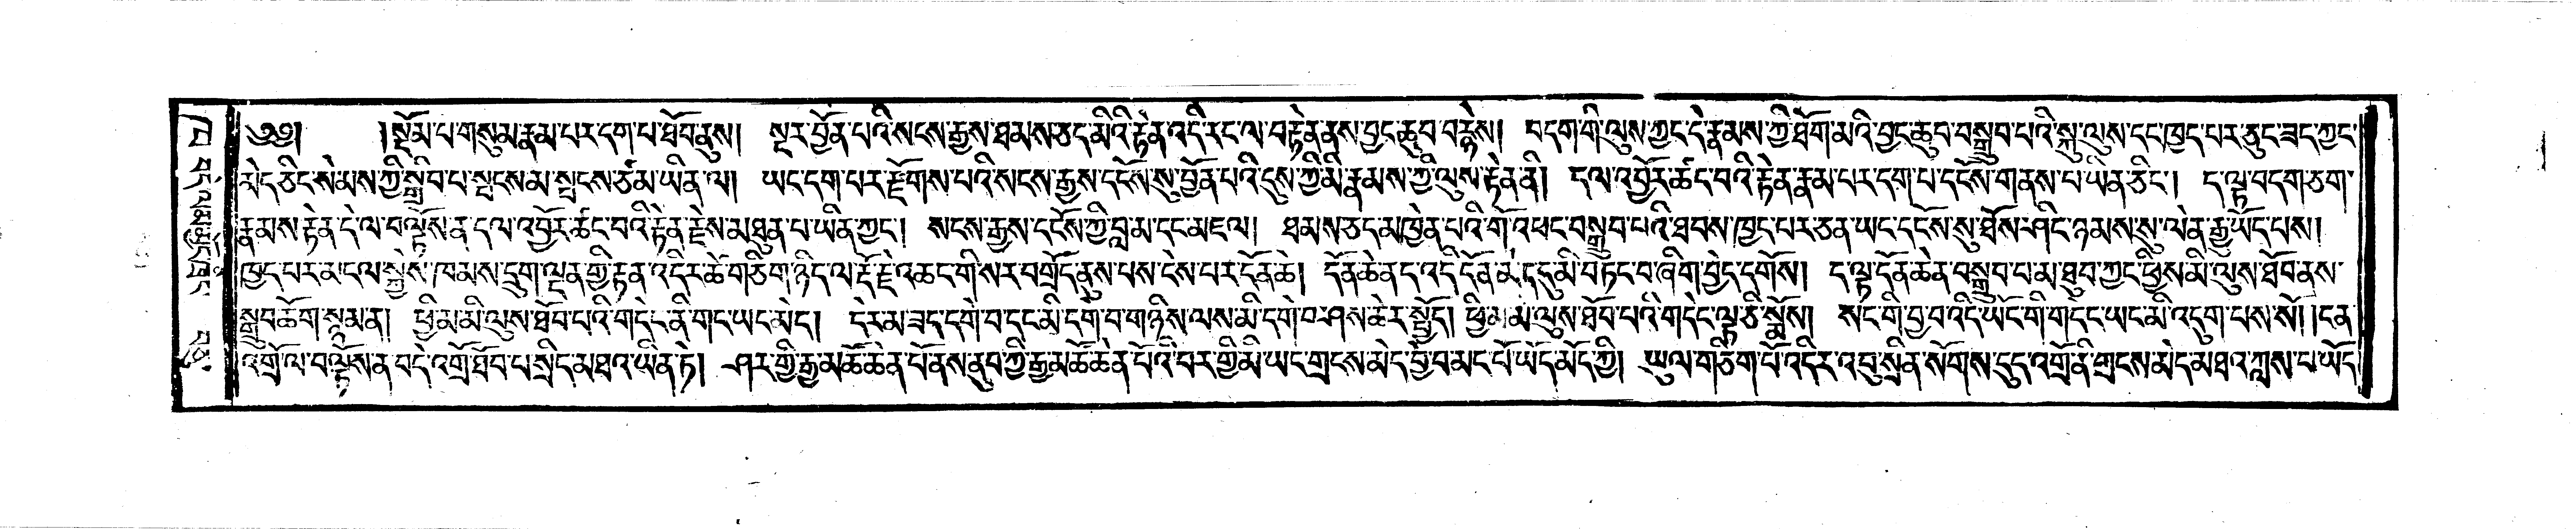༄༅། །སྡོམ་པ་གསུམ་རྣམ་པར་དག་པ་ཐོབ་ནུས། སྔར་བྱོན་པའི་སངས་རྒྱས་ཐམས་ཅད་མིའི་རྟེན་འདི་རང་ལ་བརྟེན་ནས་བྱང་ཆུབ་བརྙེས། བདག་གི་ལུས་ཀྱང་དེ་རྣམས་ཀྱི་ཐོག་མའི་བྱང་ཆུབ་བསྒྲུབ་པའི་སྐུ་ལུས་དང་ཁྱད་པར་ཅུང་ཟད་ཀྱང་
མེད་ཅིང་སེམས་ཀྱི་སྒྲིབ་པ་སྤངས་མ་སྤངས་ཙམ་ཡིན་ལ། ཡང་དག་པར་རྫོགས་པའི་སངས་རྒྱས་དངོས་སུ་བྱོན་པའི་དུས་ཀྱི་མི་རྣམས་ཀྱི་ལུས་རྟེན་ནི། དལ་འབྱོར་ཚང་བའི་རྟེན་རྣམ་པར་དག་པ་དངོས་གནས་པ་ཡིན་ཅིང་། ད་ལྟ་བདག་ཅག་
རྣམས་རྟེན་དེ་ལ་བལྟོས་ན་དལ་འབྱོར་ཚང་བའི་རྟེན་རྗེས་མཐུན་པ་ཡིན་ཀྱང་། སངས་རྒྱས་དངོས་ཀྱི་བླ་མ་དང་མཇལ། ཐམས་ཅད་མཁྱེན་པའི་གོ་འཕང་བསྒྲུབ་པའི་ཐབས་ཁྱད་པར་ཅན་ཡང་དངོས་སུ་ཐོས་ཤིང་ཉམས་སུ་ལེན་རྒྱུ་ཡོད་པས།
ཁྱད་པར་མངལ་སྐྱེས་ཁམས་དྲུག་ལྡན་གྱི་རྟན་འདིར་ཚེ་གཅིག་ཉིད་ལ་རྡོ་རྗེ་འཆང་གི་སར་བགྲོད་ནུས་པས་ངེས་པར་དོན་ཆེ། དོན་ཆེན་ད་འདི་དོན་མེད་དུ་མི་བཏང་བ་ཞིག་བྱེད་དགོས། ད་ལྟ་དོན་ཆེན་བསྒྲུབ་པ་མ་ཐུབ་ཀྱང་ཕྱིས་མི་ལུས་ཐོབ་ནས་
སྒྲུབ་ཆོག་སྙམ་ན། ཕྱི་མ་མི་ལུས་ཐོབ་པའི་གདེང་ནི་གང་ཡང་མེད། དེར་མ་ཟད་དགེ་བ་དང་མི་དགེ་བ་གཉིས་ལས་མི་དགེ་བ་ཤས་ཆེར་སྤྱོད། ཕྱི་མ་མེ་ལུས་ཐོབ་པའི་གདེང་ལྟ་ཅི་སྨོས། སང་གི་བྱ་བ་འདི་ཡོང་གི་གདེང་ཡང་མི་འདུག་པས་སོ། །ངན་
འགྲོ་ལ་བལྟོས་ན་བདེ་འགྲོ་ཐོབ་པ་སྲིད་མཐའ་ཡིན་ཏེ། ཤར་གྱི་རྒྱ་མཚོ་ཆེན་པོ་ནས་ནུབ་ཀྱི་རྒྱ་མཚོ་ཆེན་པོའི་བར་གྱི་མི་ཡང་གྲངས་མེད་བྱེ་བ་མང་པོ་ཡོད་མོད་ཀྱི། ཡུལ་གཅིག་པོ་འདིར་འབུ་སྲིན་སོགས་དུད་འགྲོ་ནི་གྲངས་མེད་མཐའ་ཀླས་པ་ཡོད་